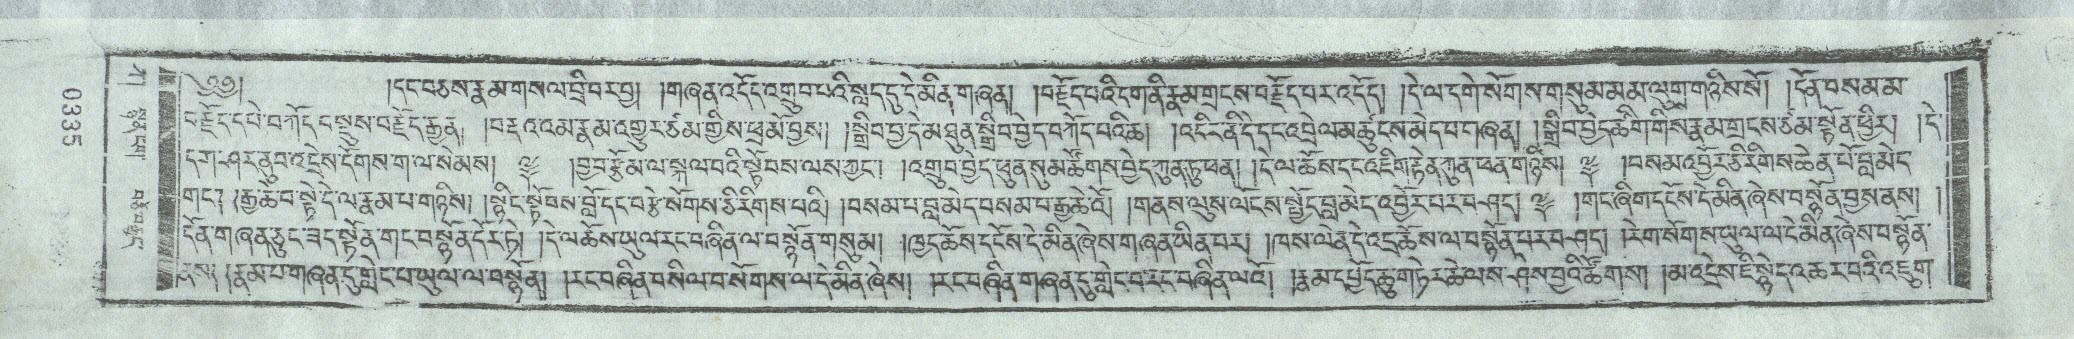༄༅། །དང་བཅས་རྣམ་གསལ་བྲི་བར་བྱ། །གཞན་འདོད་འགྲུབ་པའི་སླད་དུ་དེ་མིན་གཞན། །བརྗོད་པའི་དག་ནི་རྣམ་གྲངས་བརྗོད་པར་འདོད། །དེ་ལ་དགེ་སོགས་གསུམ་མ་མ་ལུག་གཉིས་སོ། །དོན་བསམ་མ་
བརྗོད་དཔེ་བཀོད་བསྡུས་བརྗོད་རྒྱན། །བརྡའ་འམ་རྣམ་འགྱུར་ཙམ་གྱིས་ཕྲ་མོ་བྱས། །སྒྲིབ་བྱ་དེ་མཐུན་སྒྲིབ་བྱེད་བཀོད་པའི་ཆ། །འདིར་ནི་དེ་དང་འབྲེལ་མཚུངས་མེད་པ་གཞན། །སྒྲིབ་བྱེད་ཚིག་གིས་རྣམ་གྲངས་ཙམ་སྟོན་ཕྱིར། །དེ་
དག་ཤར་ནུབ་འདྲེས་དོགས་ག་ལ་སེམས། ༈ །བྱ་བ་རྩོམ་ལ་སྐལ་བའི་སྟོབས་ལས་ཀྱང་། །འགྲུབ་བྱེད་ཕུན་སུམ་ཚོགས་བྱེད་ཀུན་ཏུ་ཕན། །དེ་ལ་ཆོས་དང་འཇིག་རྟེན་ཀུན་ཕན་གཉིས། ༈ །བསམ་འབྱོར་ཅི་རིགས་ཆེན་པོ་བླ་མེད་
གང་། །རྒྱ་ཆེ་བསྟེ་དེ་ལ་རྣམ་པ་གཉིས། །སྙིང་སྟོབས་བློ་དང་བརྩེ་སོགས་ཅི་རིགས་པའི། །བསམ་པ་བླ་མེད་བསམ་པ་རྒྱ་ཆེའོ། གནས་ལུས་ལོངས་སྤྱོད་བླ་མེད་འབྱོར་བར་བཤད། ༈ །གང་ཞིག་དངོས་དེ་མིན་ཞེས་བསྙོན་བྱས་ནས། །
དོན་གཞན་ཅུང་ཟད་སྟོན་གང་བསྙོན་དོར་ཏེ། །དེ་ལ་ཆོས་ཡུལ་རང་བཞིན་ལ་བསྙོན་གསུམ། །ཁྱད་ཆོས་དངོས་དེ་མིན་ཞེས་གཞན་ཡིན་བར། །ཁས་ལེན་དེ་འདྲ་ཆོས་ལ་བསྙོན་པར་བཤད། །རེག་སོགས་ཡུལ་ལ་དེ་མིན་ཞེས་བསོན?
ནས། །རྣམ་པ་གཞན་དུ་གླེང་པ་ཡུལ་ལ་བསྙོན། །རང་བཞིན་བསིལ་བ་སོགས་ལ་དེ་མིན་ཞེས། །རང་བཞིན་གཞན་དུ་གླེང་བ་རང་བཞིན་པའོ། །རྣམ་དཔྱོད་ཆུ་གཏེར་ཆེ་ལས་ཤེས་བྱའི་ཚོགས། །མ་འདྲེས་ཇི་སྙེད་འཆར་བའི་འཇུག་